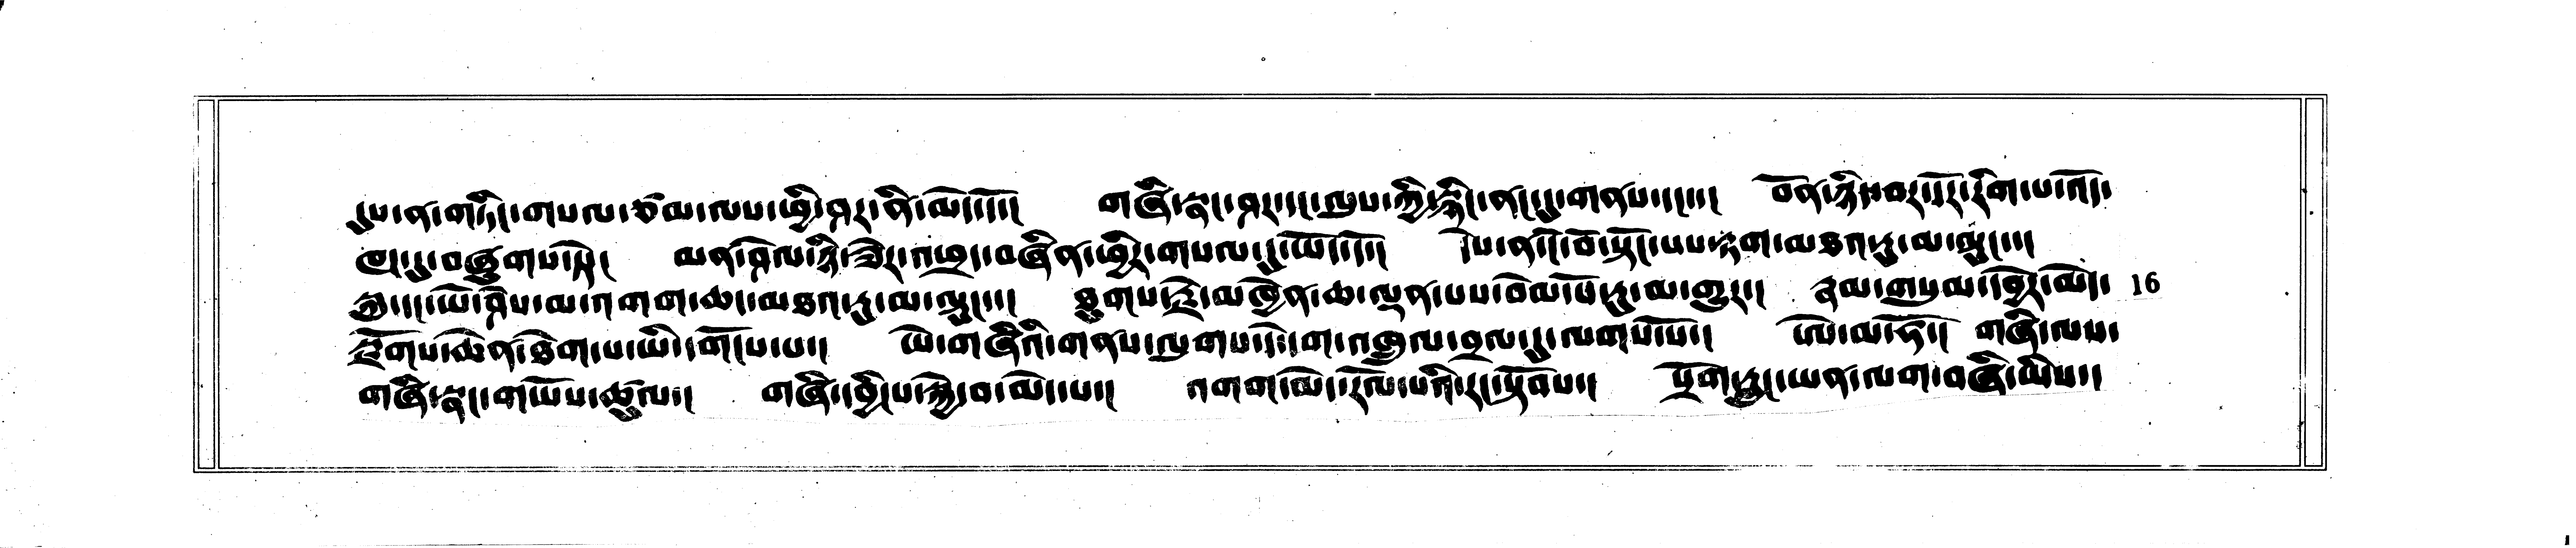དུས་ན་གཏིང་གསལ་ཙམ་ལས་ཕྱི་ཤར་ན་མེད་དོ། །གཞི་སྣང་ཤར་དང་ལུས་ཀྱི་སྙིང་ནང་དུ་གནས་དང་། །བོན་ཉིད་བར་དོར་རིག་པ་འོད་
ཁང་དུ་བཞུགས་ཏེ། །མན་ཤེལ་ཉི་ཟེར་འཕྲད་བཞིན་ཕྱིར་གསལ་དུ་ཡོད་དོ། །དེ་ནས་ངོ་བོ་སྟོང་པས་རྟག་མཐའ་རུ་མ་ལྷུང་། 
།སྐུ་དང་ཡེ་ཤེས་མ་འགག་ཆད་མཐའ་རུ་མ་ལྷུང་། །ཐུགས་རྗེ་མཁྱེན་ཆ་ལྡན་པས་བེམ་པོ་རུ་མ་གྱུར། །རྣམ་གསུམ་དབྱེར་མེད་
རྫོགས་ཆེན་ཐེག་པ་ཡི་དགོངས་པ། །ཡེ་གཞིའི་གནས་ལུགས་དེ་དག་འཁྲུལ་བྲལ་དུ་ལགས་སོ། །ཨེ་མ་ཧོ། གཞི་ལས་
གཞི་སྣང་གཡོས་ཚུལ། །གཞི་དབྱིངས་སྐྱེ་བ་མེད་པ། །འགག་མེད་རོལ་པའི་རང་སྟོབས། །སྲོག་རླུང་ཡན་ལག་བཞི་ཡིས། །